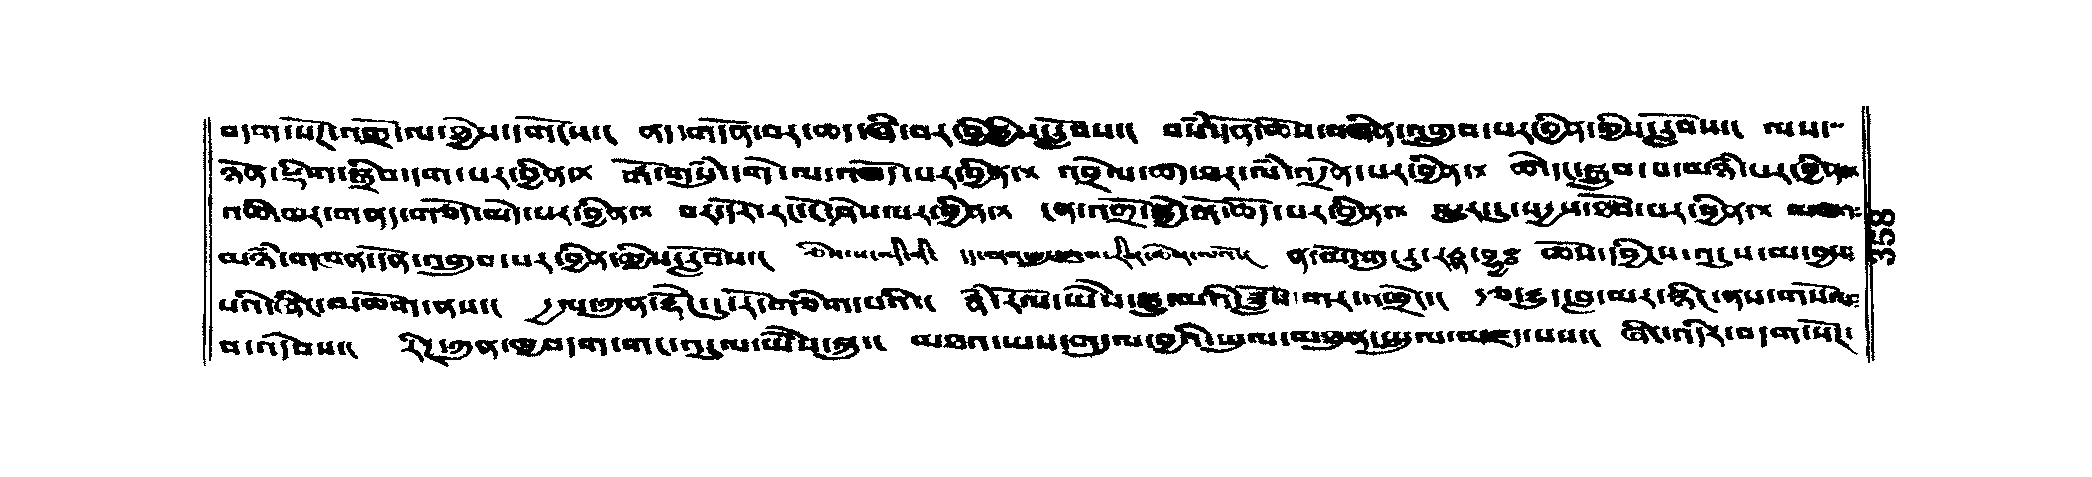།བདག་སོགས་འགྲོ་ལ་བརྩེ་བའི་ཐུགས་རྗེས་དགོངས། །ནད་གདོན་བར་ཆད་ཞི་བ་བྱིན་གྱིས་རློབས། །བསམ་དོན་ཆོས་བཞིན་འགྲུབ་པར་བྱིན་གྱིས་རློབས། །ལས་
ཉོན་སྡིག་སྒྲིབ་དག་པར་བྱིན༴ །སྒོ་གསུམ་དགེ་ལ་འཁོར་བར་བྱིན༴ །འབྲེལ་ཚད་ཐར་ལམ་འདྲེན་པར་བྱིན༴ །ཚེ་དང་སྒྲུབ་པ་མཉམ་པར་བྱིན༴ །
འཆི་ཁར་གནད་གཅོད་མེད་པར་བྱིན༴ །བར་དོར་རང་ངོ་ཤེས་པར་བྱིན༴ །ངན་འགྲོ་སྐྱེ་སྒོ་ཆོད་པར་བྱིན༴ །མྱུར་དུ་སངས་རྒྱས་ཐོབ་པར་བྱིན༴ །མཁའ་
མཉམ་གཞན་དོན་འགྲུབ་པར་བྱིན་གྱིས་རློབས། ཅེས་པ་འདི་ནི་དད་ལྡན་བྱང་ཆུབ་རིན་ཆེན་ལའོ།། ན་མོ་གུ་རུ་རཏྣ་བྷྱཿ ཆོས་དབྱིངས་འདུས་མ་བྱས་
པའི་ཞིང་མཆོག་ནས། །རྒྱལ་ཀུན་རྡོ་རྗེ་འཆང་དུ་རོ་གཅིག་པའི། །རྣམ་རོལ་ཡེ་ཤེས་སྒྱུ་མའི་ཟློས་གར་འཕྲེང་། །རྩ་རྒྱུད་བླ་མར་སྙིང་ནས་གསོལ་
བ་འདེབས། །རིགས་ཀུན་ཁྱབ་བདག་གང་འདུལ་ཡེ་ཤེས་སྐུ། །མཐའ་ཡས་གདུལ་བྱའི་ཡུལ་མཐུན་སྤྲུལ་མཛད་པས། །ཞིང་འདིར་བདག་སོགས་